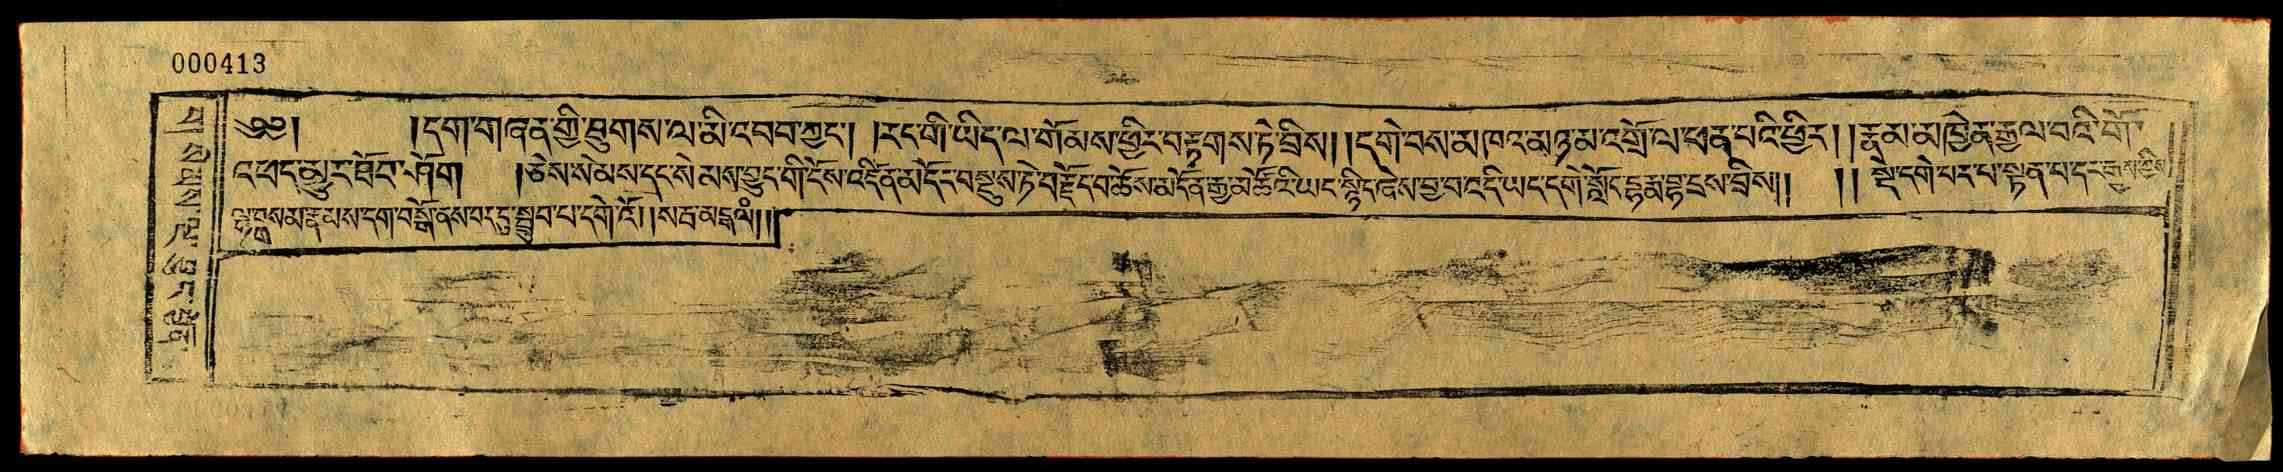༄༅། །དག་གཞན་གྱི་ཐུགས་ལ་མི་འབབ་ཀྱང་། །རང་གི་ཡིད་ལ་གོམས་ཕྱིར་བརྟགས་ཏེ་བྲིས། །དགེ་བས་མཁའ་མཉམ་འགྲོ་ལ་ཕན་པའི་ཕྱིར། །རྣམ་མཁྱེན་རྒྱལ་བའི་གོ་
འཕང་མྱུར་ཐོབ་ཤོག །ཅེས་སེམས་དང་སེམས་བྱུང་གི་ངོས་འཛིན་མདོར་བསྡུས་ཏེ་བརྗོད་པ་ཆོས་མངོན་རྒྱ་མཚོའི་ཡང་སྙིང་ཞེས་བྱ་བ་འདི་ཡང་དགེ་སློང་དྷ་རྨ་བྷ་དྲས་བྲིས།། །།སྡེ་དགེ་པར་བསྟན་པ་དར་རྒྱས་ཀྱིས་
ལྷ་བསམ་རྣམས་དག་བསྒོ་ནས་པར་དུ་སྒྲུབ་པ་དགེ་འོ། །སྲབ་མངྒལཾ།། །།